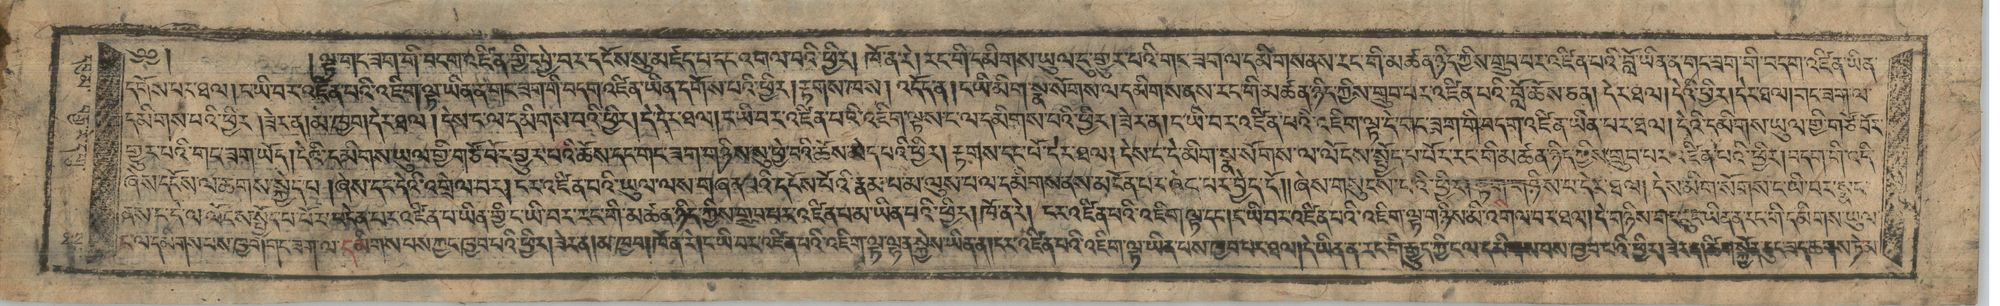༄༅། །ལྟ་གང་ཟག་གི་བདག་འཛིན་གྱི་དབྱེ་བར་དངོས་སུ་མཛད་པ་དང་འགལ་བའི་ཕྱིར། ཁོ་ན་རེ། རང་གི་དམིགས་ཡུལ་དུ་གྱུར་པའི་གང་ཟག་ལ་དམིགས་ནས་རང་གི་མཚན་ཉིད་ཀྱིས་གྲུབ་པར་འཛིན་པའི་བློ་ཡིན་ན་གང་ཟག་གི་བདག་འཛིན་ཡིན་
དགོས་པར་ཐལ། ང་ཡི་བར་འཛིན་པའི་འཇིག་ལྟ་ཡིན་ན་གང་ཟག་གི་བདག་འཛིན་ཡིན་དགོས་པའི་ཕྱིར། རྟགས་ཁས། འདོད་ན། ང་ཡི་མིག་སྣ་སོགས་ལ་དམིགས་ནས་རང་གི་མཚན་ཉིད་ཀྱིས་གྲུབ་པར་འཛིན་པའི་བློ་ཆོས་ཅན། དེར་ཐལ། དེའི་ཕྱིར། དེར་ཐལ། གང་ཟག་ལ་
དམིགས་པའི་ཕྱིར། ཟེར་ན། མ་ཁྱབ། དེར་ཐལ། དེས་ང་ལ་དམིགས་པའི་ཕྱིར། དེ་དེར་ཐལ། ང་ཡི་བར་འཛིན་པའི་འཇིག་ལྟས་ང་ལ་དམིགས་པའི་ཕྱིར། ཟེར་ན། ང་ཡི་བར་འཛིན་པའི་འཇིག་ལྟ་དེ་གང་ཟག་གི་བདག་འཛིན་ཡིན་པར་ཐལ། དེའི་དམིགས་ཡུལ་གྱི་གཙོ་བོར་
གྱུར་པའི་གང་ཟག་ཡོད། དེའི་དམིགས་ཡུལ་གྱི་གཙོ་བོར་གྱུར་པའི་ཆོས་དང་གང་ཟག་གཉིས་སུ་ཕྱེ་བའི་ཆོས་མེད་པའི་ཕྱིར། རྟགས་དང་པོ་དེར་ཐལ། དེས་ང་དེ་མིག་སྣ་སོགས་ལ་ལོངས་སྤྱོད་པ་པོར་རང་གི་མཚན་ཉིད་ཀྱིས་གྲུབ་པར་འཛིན་པའི་ཕྱིར། བདག་གི་འདི་
ཞེས་དངོས་ལ་ཆགས་སྐྱེད་པ་།ཞེས་དང་དེའི་འགྲེལ་པར། ངར་འཛིན་པའི་ཡུལ་ལས་གཞན་པའི་དངོས་པོའི་རྣམ་པ་མ་ལུས་པ་ལ་དམིགས་ནས་མངོན་པར་ཞེན་པར་བྱེད་དོ། །ཞེས་གསུངས་པའི་ཕྱིར། རྟག་གཉིས་པ་དེར་ཐལ། དེས་མིག་སོགས་ང་ཡི་བར་སྣང་
ནས་ང་དེ་ལ་ལོངས་སྤྱོད་པ་པོར་བདེན་པར་འཛིན་པ་ཡིན་གྱི་ང་ཡི་བར་རང་གི་མཚན་ཉིད་ཀྱིས་གྲུབ་པར་འཛིན་པ་མ་ཡིན་པའི་ཕྱིར། ཁོ་ན་རེ། ངར་འཛིན་པའི་འཇིག་ལྟ་དང་། ང་ཡི་བར་འཛིན་པའི་འཇིག་ལྟ་གཉིས་མི་འགལ་བར་ཐལ། དེ་གཉིས་གང་རུང་ཡིན་ན་རང་གི་དམིགས་ཡུལ་
ང་ལ་དམིགས་པས་ཁྱབ་བོ། ?་གང་ཟག་ལ་དམིགས་པས་ཀྱང་ཁྱབ་པའི་ཕྱིར། ཟེར་ན། མ་ཁྱབ། ཁོ་ན་རེ། ང་ཡི་བར་འཛིན་པའི་འཇིག་ལྟ་ལྷན་སྐྱེས་ཡིན་ན། ངར་འཛིན་པའི་འཇིག་ལྟ་ཡིན་པས་ཁྱབ་པར་ཐལ། དེ་ཡིན་ན་རང་གི་རྒྱུད་ཀྱི་ང་ལ་དམིགས་པས་ཁྱབ་པའི་ཕྱིར། ཟེར་ན། ཚིག་སྐྱོན་ཅུང་ཟད་ཆགས་ཏེ་མ་